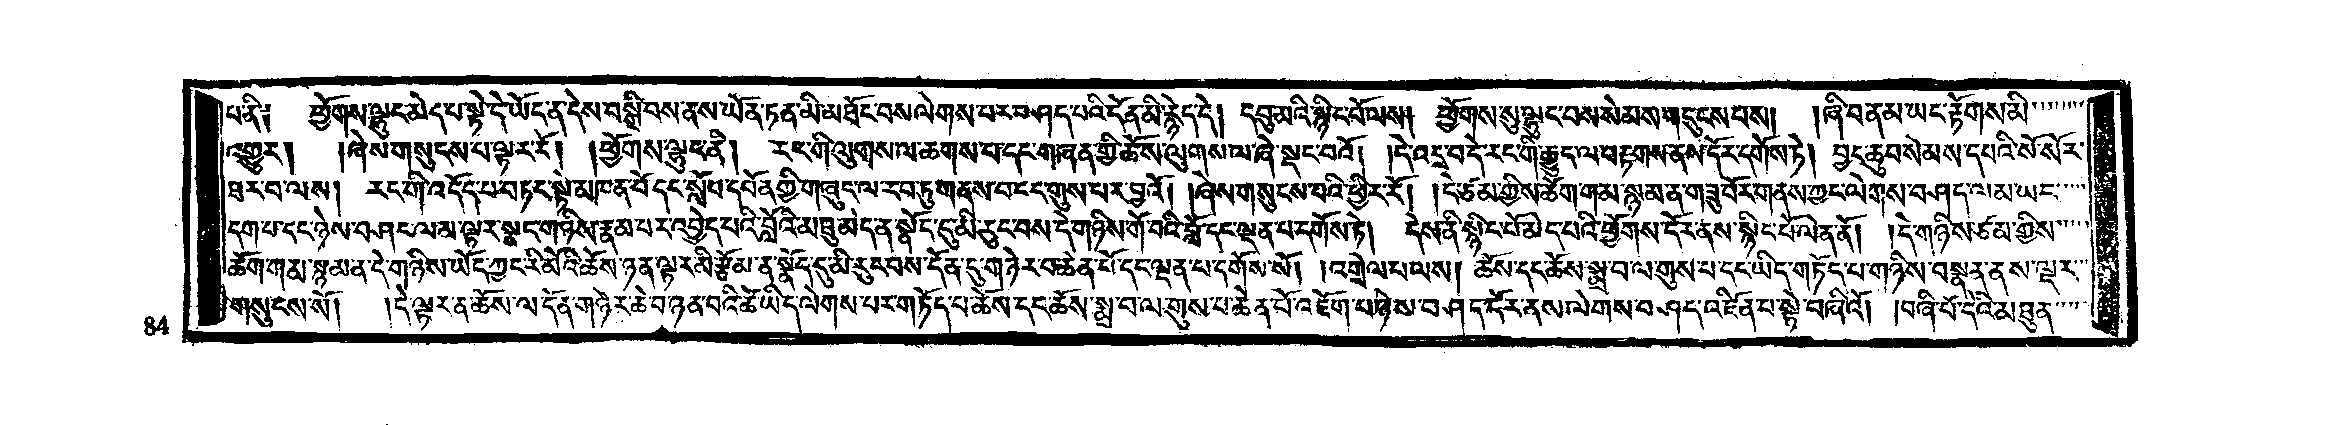པ་ནི༑ ཕྱོགས་ལྷུང་མེད་པ་སྟེ་དེ་ཡོད་ན་དེས་བསྒྲིབས་ནས་ཡོན་ཏན་མི་མཐོང་བས་ལེགས་པར་བཤད་པའི་དོན་མི་རྙེད་དེ། དབུ་མའི་སྙིང་པོ་ལས། ཕྱོགས་སུ་ལྷུང་བས་སེམས་གདུངས་པས། །ཞི་བ་ནམ་ཡང་རྟོགས་མི་
འགྱུར། །ཞེས་གསུངས་པ་ལྟར་རོ། །ཕྱོགས་ལྷུང་ནི། རང་གི་ལུགས་ལ་ཆགས་པ་དང་གཞན་གྱི་ཆོས་ལུགས་ལ་ཞེ་སྡང་བའོ། །དེ་འདྲ་བ་དེ་རང་གི་རྒྱུད་ལ་བརྟགས་ནས་དོར་དགོས་ཏེ། བྱང་ཆུབ་སེམས་དཔའི་སོ་སོར་
ཐར་པ་ལས། རང་གི་འདོད་པ་བཏང་སྟེ་མཁན་པོ་དང་སློབ་དཔོན་གྱི་གཞུང་ལ་རབ་ཏུ་གནས་པ་དང་གུས་པར་བྱའོ། །ཞེས་གསུངས་པའི་ཕྱིར་རོ། །དེ་ཙམ་གྱིས་ཆོག་གམ་སྙམ་ན་གཟུ་བོར་གནས་ཀྱང་ལེགས་བཤད་ལམ་ཡང་
དག་པ་དང་ཉེས་བཤད་ལམ་ལྟར་སྣང་གཉིས་རྣམ་པར་འབྱེད་པའི་བློའི་མཐུ་མེད་ན་སྣོད་དུ་མི་རུང་བས་དེ་གཉིས་གོ་བའི་བློ་དང་ལྡན་པ་དགོས་ཏེ། དེས་ནི་སྙིང་པོ་མེད་པའི་ཕྱོགས་དོར་ནས་སྙིང་པོ་ལེན་ནོ། །དེ་གཉིས་ཙམ་གྱིས་
ཆོག་གམ་སྙམ་ན་དེ་གཉིས་ཡོད་ཀྱང་རི་མོའི་ཆོས་ཉན་ལྟར་མི་རྩོམ་ན་སྣོད་དུ་མི་རུང་བས་དོན་དུ་གཉེར་བ་ཆེན་པོ་དང་ལྡན་པ་དགོས་སོ། །འགྲེལ་པ་ལས། ཆོས་དང་ཆོས་སྨྲ་བ་ལ་གུས་པ་དང་ཡིད་གཏོད་པ་གཉིས་བསྣན་ནས་ལྔར་
གསུངས་སོ། །དེ་ལྟར་ན་ཆོས་ལ་དོན་གཉེར་ཆེ་བ་ཉན་པའི་ཚེ་ཡིད་ལེགས་པར་གཏོད་པ་ཆོས་དང་ཆོས་སྨྲ་བ་ལ་གུས་པ་ཆེན་པོ་འཇོག་པ་ཉེས་བཤད་དོར་ནས་ལེགས་བཤད་འཛིན་པ་སྟེ་བཞིའོ། །བཞི་པོ་དེའི་མཐུན་